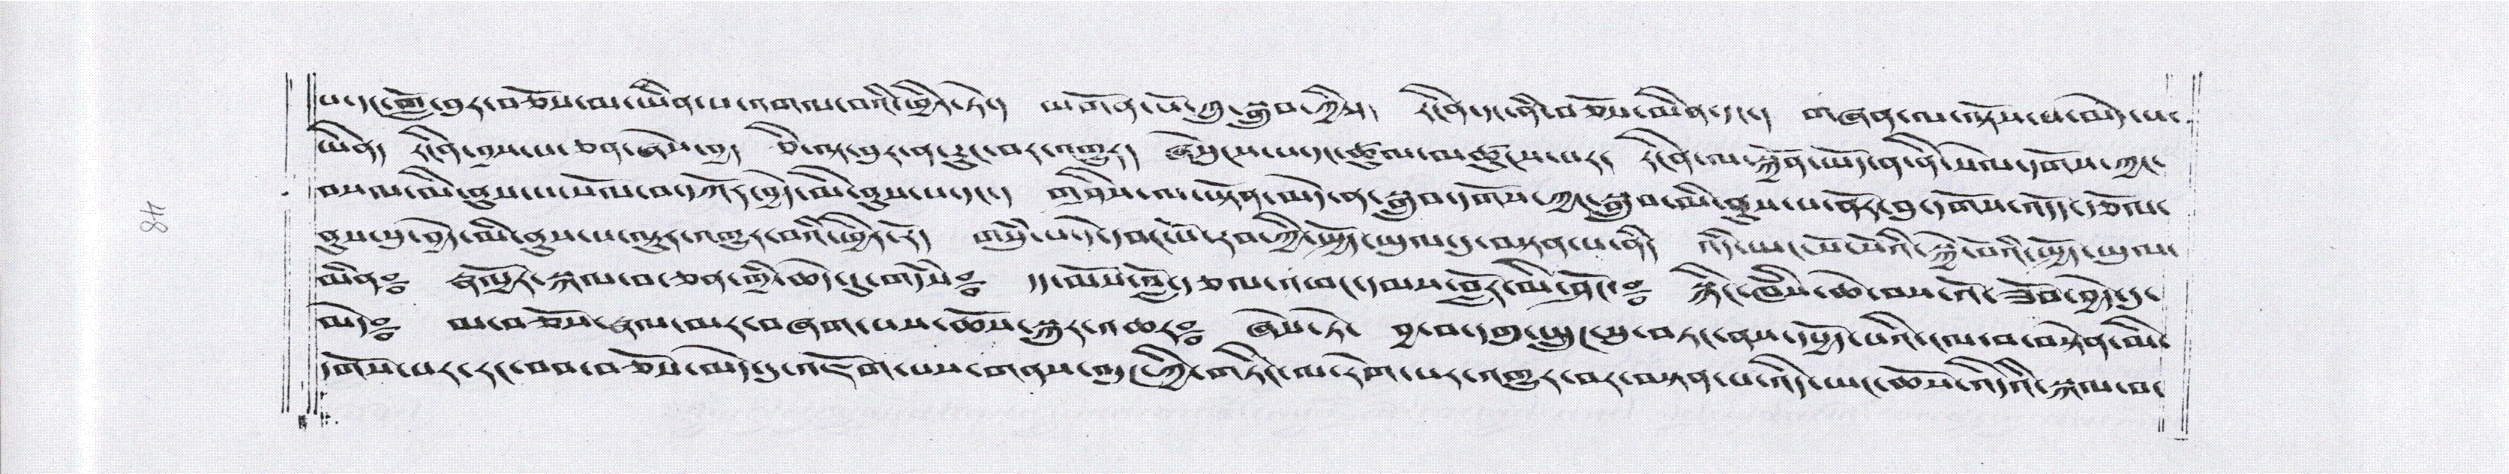པ་དང་གློ་བུར་བཅོས་མ་ཡིན་པ་དང་འགལ་བའི་ཕྱིར་ཏེ། མགོན་པོ་ཀླུ་སྒྲུབ་ཀྱིས། རང་བཞིན་དང་ནི་བཅོས་མིན་དངཿ གཞན་ལ་ལྟོས་པ་མེད་པ་
ཡིན། རང་བཞིན་བྱས་པ་ཅན་ཞེས་བྱ། ཅི་ལྟ་བུར་ན་རུང་བར་འགྱུར། ཞེས་གསུངས་པ་དང་ཚུལ་མཚུངས་པར། རང་བཞིན་ལ་སྐྱོན་ཡོད་ན་ནི་སེལ་དགོས་ཀྱང་
བསལ་མི་ནུས་པ་སོལ་བ་དཀར་པོར་བྱེད་མི་ནུས་པ་དང་། གཤིས་ལ་ཡོན་ཏན་མེད་ན་བསྒྲུབ་དགོས་ཀྱང་བསྒྲུབ་མི་ནུས་པ་ནོར་བུ་དགོས་འདོད་རྩོལ་
ནུས་སུ་བྱེད་མི་ནུས་པ་ལྟ་བུར་འགྱུར་བའི་ཕྱིར་རོ། གསུམ་པ་དེ་དབང་པོ་རབ་ཀྱི་སྤྱོད་ཡུལ་དུ་བསྟན་པ་ནི། འདི་ཡང་སོ་སོའི་སྐྱེ་བོའི་སྤྱོད་ཡུལ་
མིནཿ རྣལ་འབྱོར་སྐལ་པ་ཅན་གྱི་ཆེད་དུ་གདམསཿ དད་མོས་བློ་རྩལ་འཕང་དམས་བློར་མི་ཤོངཿ སྙིང་ཁམས་ཆེ་བས་འོ་ཟོབ་བྱེད་དུ་
མེདཿ མ་བཅོས་རྣལ་མར་བཞག་པས་ཆོས་སྐུར་འཆརཿ ཞེས་ཏེ། བྱ་བ་དགུ་སྤྲུགས་སུ་བཏང་ནས་དཔྱོད་པའི་ངལ་བ་བསྟེན་མི་
དགོས་པར་རང་བབས་བཅོས་མེད་དུ་འཇོག་པས་གནས་ལུགས་ཀྱི་གཏིང་ལ་རེག་པར་འགྱུར་བར་བསྟན་པ་འདི་ཡང་ཆོས་འདིའི་སྐལ་བ་